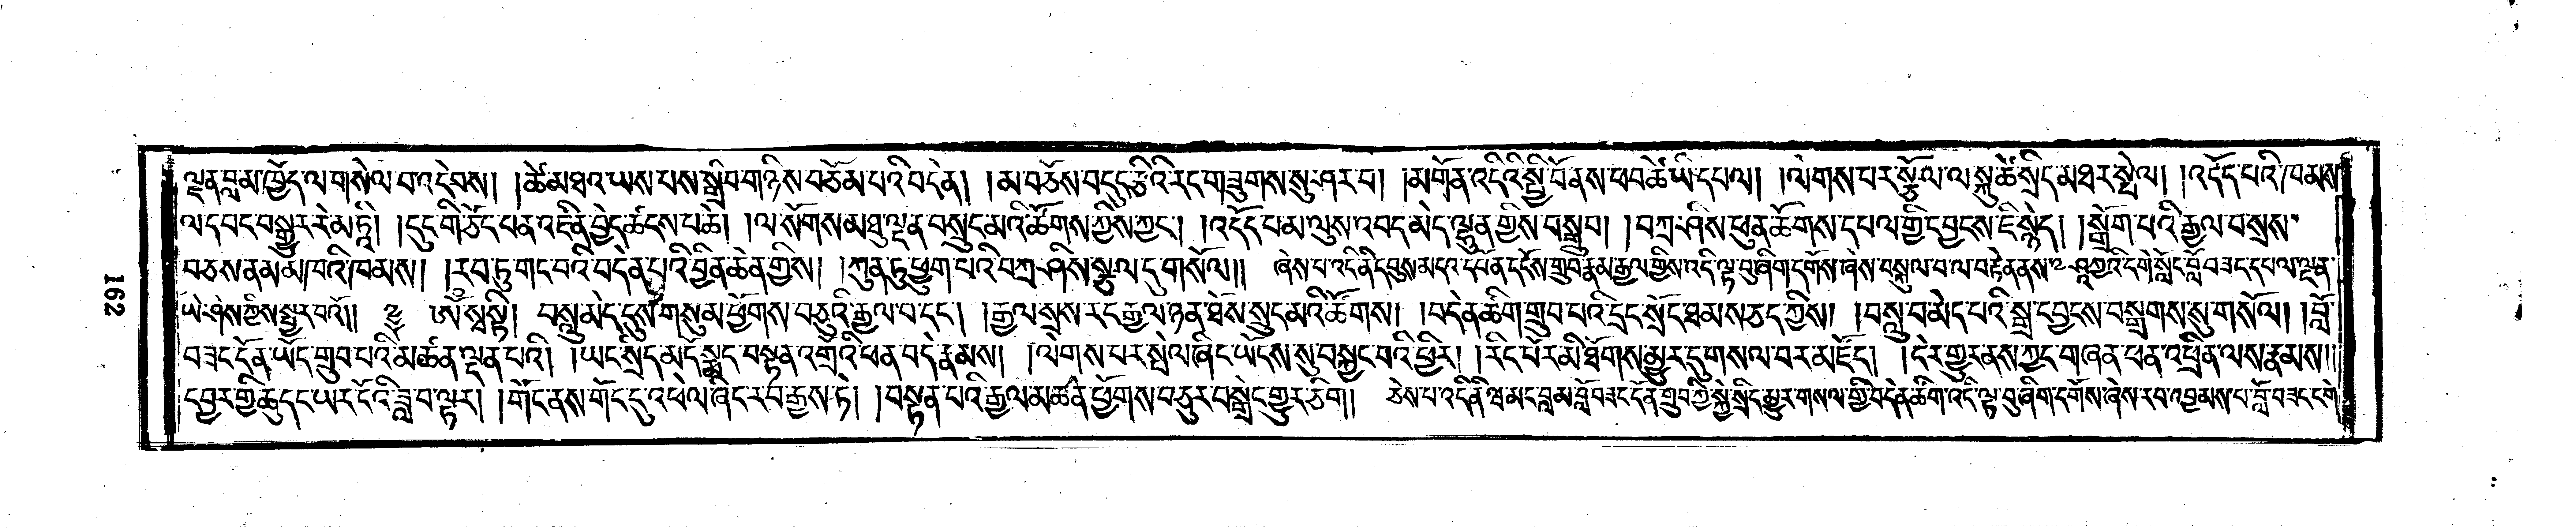ལྡན་བླ་མ་ཁྱོད་ལ་གསེལ་བ་འདེབས། །ཚེ་མཐའ་ཡས་པས་སྒྲིབ་གཉིས་བཅོམ་པའི་བདེན། །མ་བཅོས་བདུད་རྩིའི་རང་གཟུགས་སུ་ཤར་བ། །མགོན་འདིའི་སྤྱི་བོ་ནས་ཕབ་ཚེ་ཡི་དཔལ། །ལེགས་པར་སྩོལ་ལ་སྐུ་ཚེ་སྲིད་མཐར་སྤེལ། །འདོད་པའི་ཁམས་
ལ་དབང་བསྒྱུར་རེ་མ་ཏཱི། །དུང་གི་རྩོད་པན་འཛིན་བྱེད་ཚངས་པ་ཆེ། །ལ་སོགས་མཐུ་ལྡན་བསྲུང་མའི་ཚོགས་ཀྱིས་ཀྱང་། །འདོད་པ་མ་ལུས་འབད་མེད་ལྷུན་གྱིས་བསྒྲུབ། །བཀྲ་ཤིས་ཕུན་ཆོགས་དཔལ་གྱི་དབྱངས་ཇི་སྙེད། །སྒྲོག་པའི་རྒྱལ་བ་སྲས་
བཅས་ནམ་མཁའི་ཁམས། །རབ་ཏུ་གང་བའི་བདེན་པའི་བྱིན་ཆེན་གྱིས། །ཀུན་ཏུ་ཕྱུག་པའི་བཀྲ་ཤིས་སྩལ་དུ་གསོལ།། ཞེས་པ་འདི་ནི་དབུས་མདའ་དཔོན་དངོས་གྲུབ་རྣམ་རྒྱལ་གྱིས་འདི་ལྟ་བུ་ཞིག་དགོས་ཞེས་བསྐུལ་བ་ལ་བརྟེན་ནས་༧་ཤཱཀྱའི་དགེ་སློང་བློ་བཟང་དཔལ་ལྡན་
ཡེ་ཤེས་ཀྱིས་སྤྱར་བའོ།། ༈ ཨོཾ་སྭསྟི། བསླུ་མེད་དུས་གསུམ་ཕྱོགས་བཅུའི་རྒྱལ་བ་དང་། །རྒྱལ་སྲས་རང་རྒྱལ་ཉན་ཐོས་སྲུང་མའི་ཚོགས། །བདེན་ཚིག་གྲུབ་པའི་དྲང་སྲོང་ཐམས་ཅད་ཀྱིས། །བསླུ་བ་མེད་པའི་སྒྲ་དབྱངས་བསྒྲགས་སུ་གསོལ། །བློ་
བཟང་དོན་ཡོད་གྲུབ་པའི་མཚན་ལྡན་པའི། །ཡང་སྲིད་མདོ་སྨད་བསྟན་འགྲོའི་ཕན་བདེ་རྣམས། །ལེགས་པར་སྦེལ་ཞིང་ཡོངས་སུ་བསྐྱང་བའི་ཕྱིར། །རིང་པོར་མི་ཐོགས་མྱུར་དུ་གསལ་བར་མཛོད། །དེར་གྱུར་ནས་ཀྱང་གཞན་ཕན་འཕྲིན་ལས་རྣམས།།
དབྱར་གྱི་ཆུ་དང་ཡར་ངོའི་ཟླ་བ་ལྟར། །གོང་ནས་གོང་དུ་འཕེལ་ཞིང་རབ་རྒྱས་ཏེ། །བསྟན་པའི་རྒྱལ་མཚན་ཕྱོགས་བཅུར་བསྒྲེང་གྱུར་ཅིག། ཅེས་པ་འདི་ནི་ཝ་མང་བླ་མ་བློ་བཟང་དོན་གྲུབ་ཀྱི་སྐྱེ་སྲིད་མྱུར་གསལ་གྱི་བདེན་ཚིག་འདི་ལྟ་བུ་ཞིག་དགོས་ཞེས་རབ་འབྱམས་པ་བློ་བཟང་དགེ་